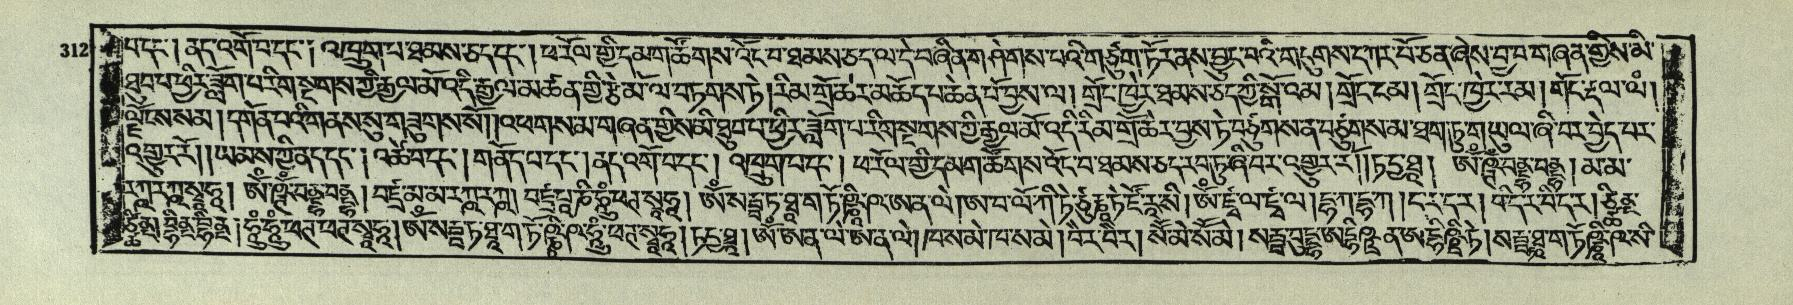པ་དང་། ནད་འགོ་བ་དང་། འཁྲུག་པ་ཐམས་ཅད་དང་། ཕ་རོལ་གྱི་དམག་ཚོགས་འོང་བ་ཐམས་ཅད་ལ་དེ་བཞིན་གཤེགས་པའི་གཙུག་ཏོར་ནས་བྱུང་བའི་གདུགས་དཀར་པོ་ཅན་ཞེས་བྱ་བ་གཞན་གྱིས་མི་
ཐུབ་པ་ཕྱིར་ཟློག་པ་རིག་སྔགས་ཀྱི་རྒྱལ་མོ་འདི་རྒྱལ་མཚན་གྱི་རྩེ་མོ་ལ་བཏགས་ཏེ། རིམ་གྲོ་ཆེར་མཆོད་པ་ཆེན་པོ་བྱས་ལ། གྲོང་ཁྱེར་ཐམས་ཅད་ཀྱི་སྒོ་འམ། གྲོང་ངམ། གྲོང་ཁྱེར་རམ། གོང་རྡལ་ལཾ།
ལྗོངས་སམ། དགོན་པའི་གནས་སུ་གཟུགས་སོ། །འཕགས་མ་གཞན་གྱིས་མི་ཐུབ་པ་ཕྱིར་ཟློག་པ་རིག་སྔགས་ཀྱི་རྒྱལ་མོ་འདི་རིམ་གྲོ་ཆེར་བྱས་ཏེ་བཙུགས་ན་བཙུགས་མ་ཐག་ཏུ་གཡུལ་ཞི་བར་བྱེད་པར་
འགྱུར་རོ། །ཡམས་ཀྱི་ནད་དང་། འཚེ་བ་དང་། གནོད་པ་དང་། ནད་འགོ་བ་དང་། འཁྲུག་པ་དང་། ཕ་རོལ་གྱི་དམག་ཚོགས་འོང་བ་ཐམས་ཅད་རབ་ཏུ་ཞི་བར་འགྱུར་རོ། །ཏ་དྱ་ཐཱ། ཨོཾ་ཥྚཾ་བནྡྷ་བནྡྷ། མ་མ་
རཀཥ་ར་ཀྵ་སྭཱཧཱ། ཨོཾ་ཥྚོཾ་བནྡྷ་བནྡྷ། བྫྲ་མ་མ་རྐྵ་རཀྵ། བྫྲ་པཱ་ཎི་ཧཱུཾ་ཕཊཱ་སྭཱཧཱ། ཨོཾ་སརྦྦ་ཏོ་ཥཎཊཿཨི་ཥ་ཨ་ན་ལེ། ཨ་བ་ལོ་ཀི་ཏེ་ཙུརྞཱ་ཏེ་ཛོ་རཱ་སི། ཨོཾ་ཛྭ་ལ་ཛྭ་ལ། དྷ་ཀ་དྷ་ཀ། ད་ར་ད་ར། བི་ད་ར་བི་ད་ར། ཙྪིནད་
ཙྪིནྡ། བྷིནྡ་བྷིནྡ། ཧཱུཾ་ཧཱུཾ་ཕཊ་ཕཊ་སྭཱཧཱ། ཨོཾ་སརྦྦ་ཏ་ཐཱ་ག་ཏོ་ཥྞཱི་ཥ་ཧཱུཾ་ཕཊ་སྭཱཧཱ། ཏདྱ་ཐཱ། ཨོཾ་ཨ་ན་ལེ། ཁ་ས་མེ་ཁ་ས་མེ། བཻ་ར་བཻ་ར། སཽ་མེ་སཽ་མེ། སརྦྦ་བུདྡྷ་ཨདྷིཥཊཿཨན་ཨ་ཥཊཿཨི་ཏེ། སརྦྦ་ཐཱ་ག་ཏོཥྞཱི་ཥསི་